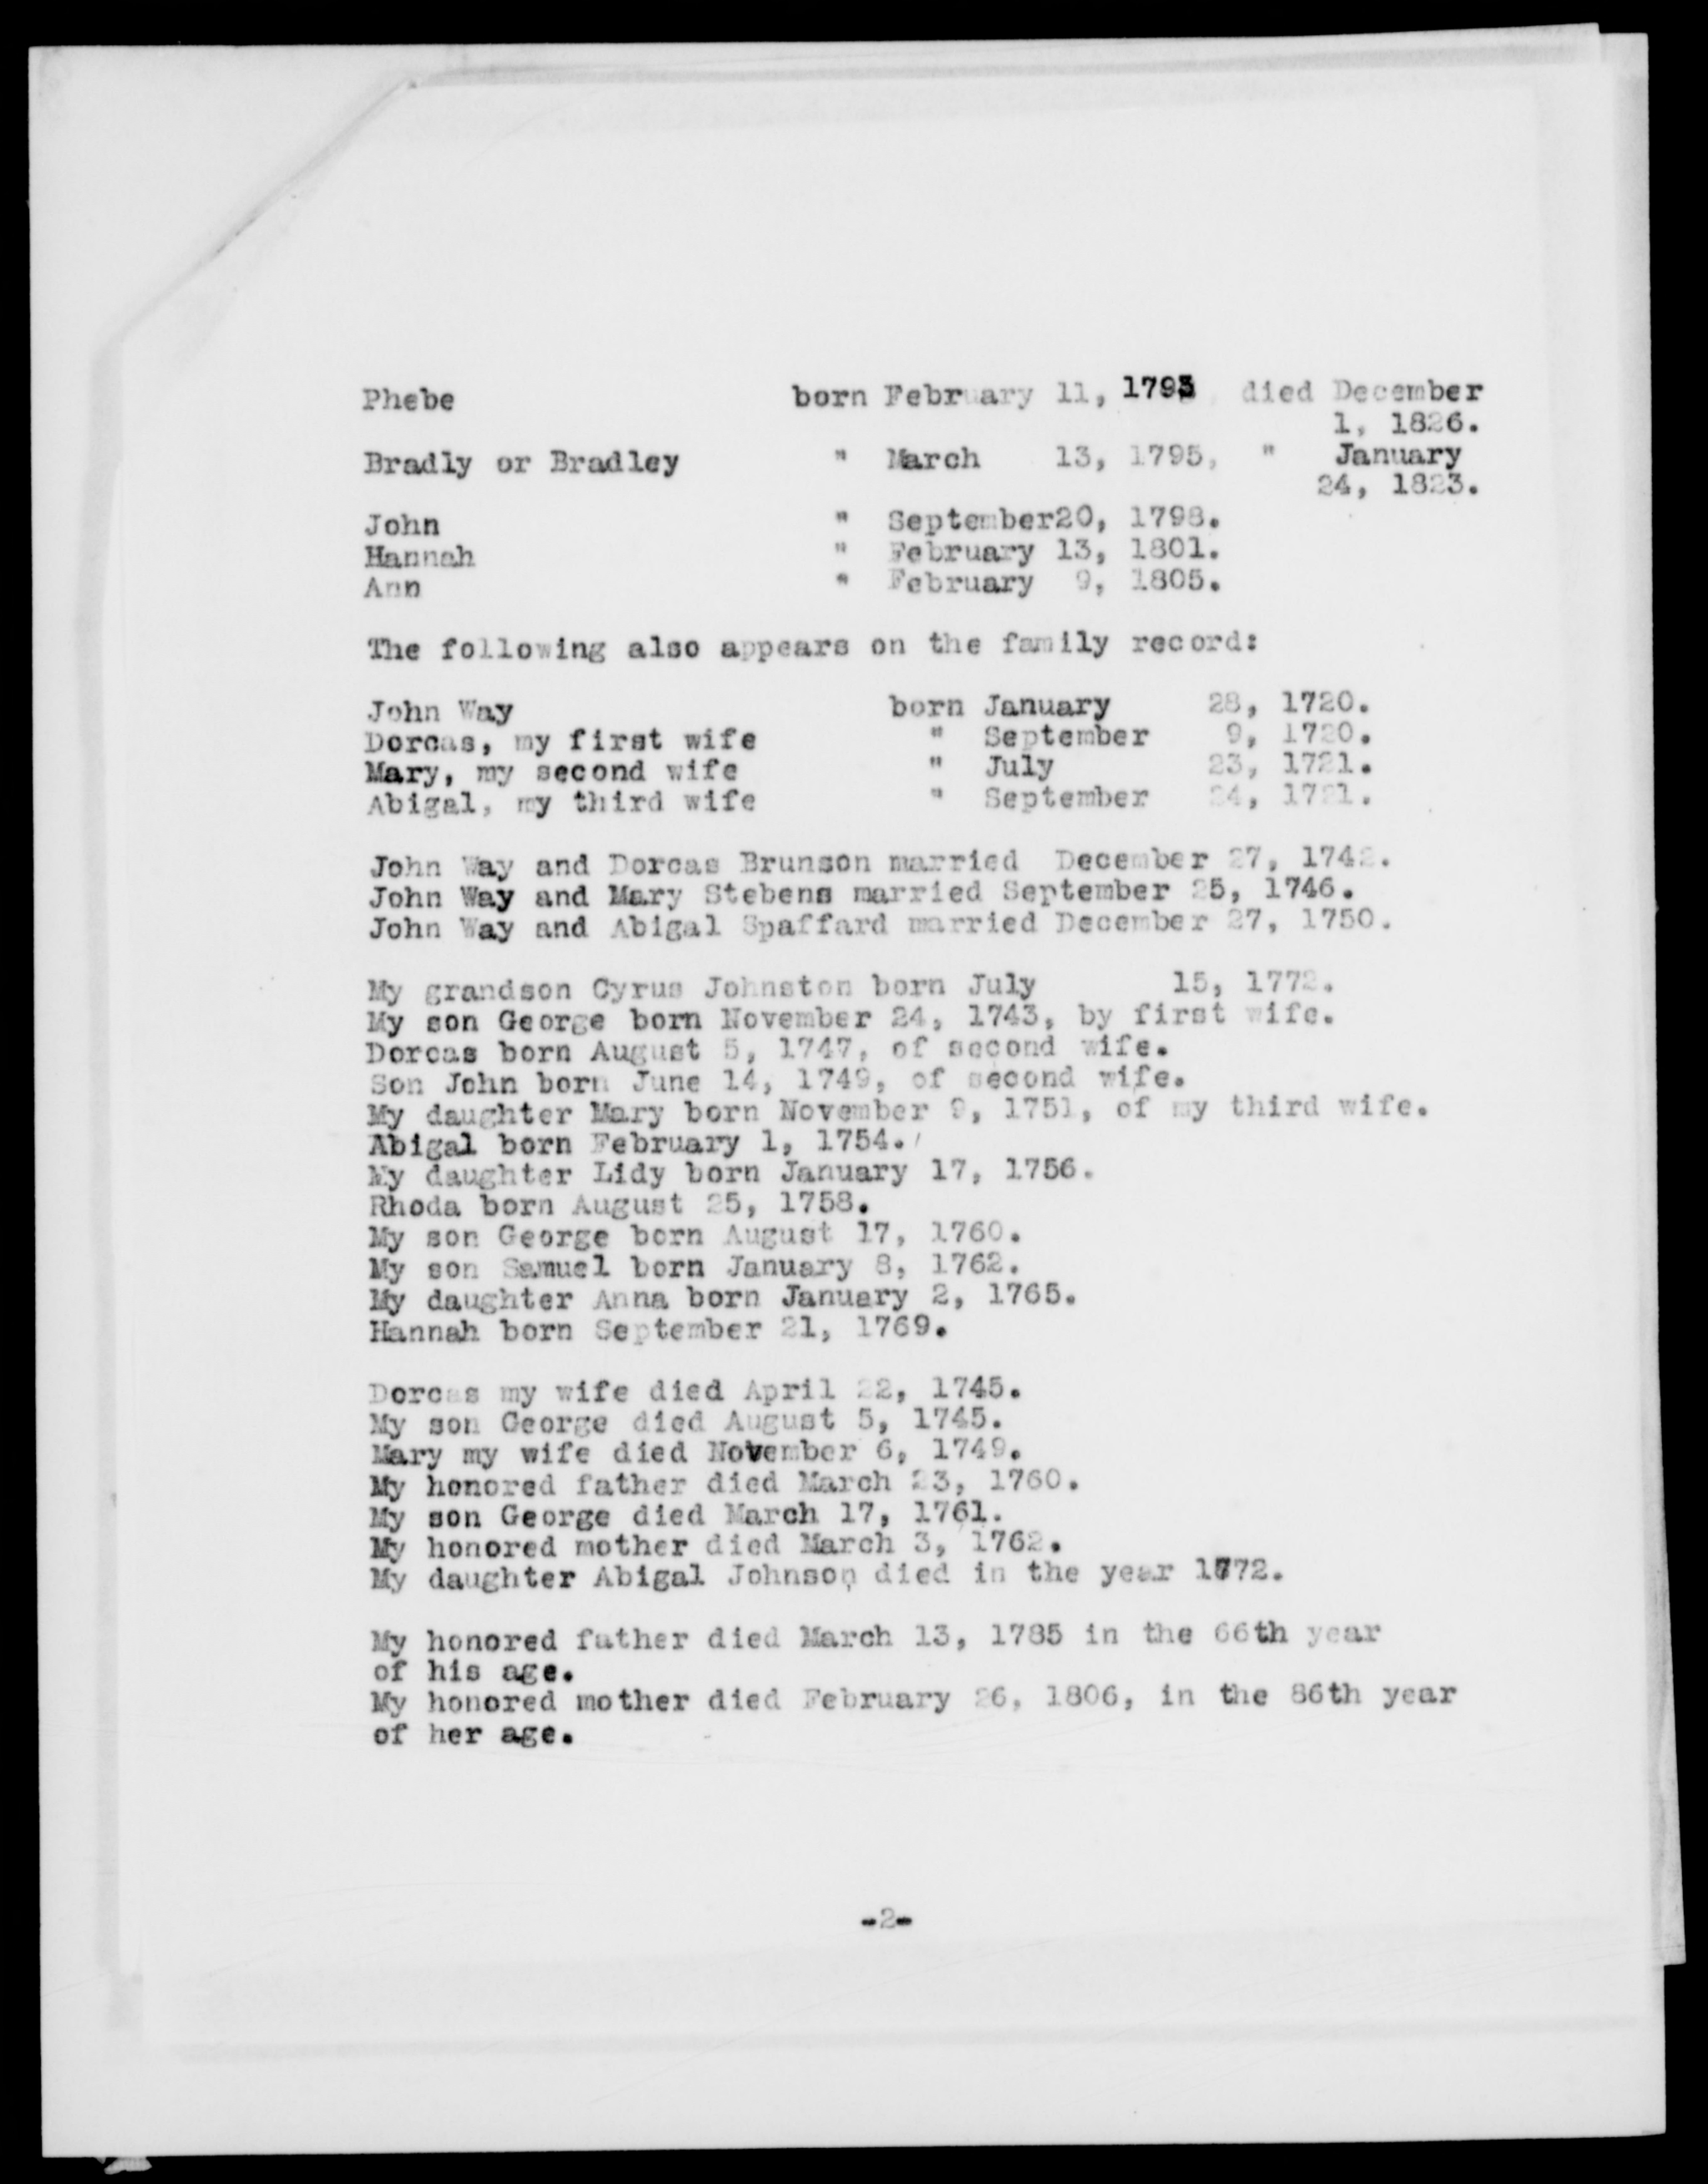Phebe      born February 11, 1793 died December 1, 1826.
Bradly or Bradley   " March 13, 1795 " January 24, 1823.
John         " September 20, 1798.
Hannah     " February 13, 1801.
Ann            " February 9, 1805.

The following also appears on the family record:
John Way born January 28, 1720.
Dorcas, my first wife "   September 9, 1720.
Mary, my second wife   " July 23, 1721.
Abigal, my third wife     " September 24, 1721.

John Way and Dorcas Brunson married December 27, 1742.
John Way and Mary Stebens married September 25, 1746.
John Way and Abigal Spaffard married December 27, 1750.
My grandson Cyrus Johnston born July
15, 1772.
my son George born November 24, 1743, by first wife.
Dorcas born August 5, 1747, of second wife.
Son John born June 14, 1749, of second wife.
My daughter Mary born November 9, 1751, of my third wife.
Abigal born February 1, 1754.
My daughter Lidy born January 17, 1756.
Rhoda born August 25, 1758.
My son George born August 17, 1760.
My son Samuel born January 3, 1762.
My daughter Anna born January 2, 1765.
Hannah born September 21, 1769.
Dorcas my wife died April 2, 1745.
My son George died August 5, 1745.
Mary my wife died November 6, 1749.
My honored father died March 3, 1760.
My son George died March 17, 1761.
My honored mother died March 3, 1762.
My daughter Abigal Johnson died in the year 1772.
My honored father died March 13, 1785 in the 66th year
of his age.
My honored mother died February 26, 1806, in the 86th year
of her age.
-2-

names: Bradly, Rhoda, Hannah, Samuel, Abigal, Mary Stebens, Lidy, John, Mary, Abigal Johnson, Dorcas, John Way, George, Ann, Phebe, Dorcas Brunson, Abigal Spaffard, Anna, Bradley, Cyrus Johnston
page: 68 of 78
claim: widow's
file: W. 25856, Samuel Way, N.H.